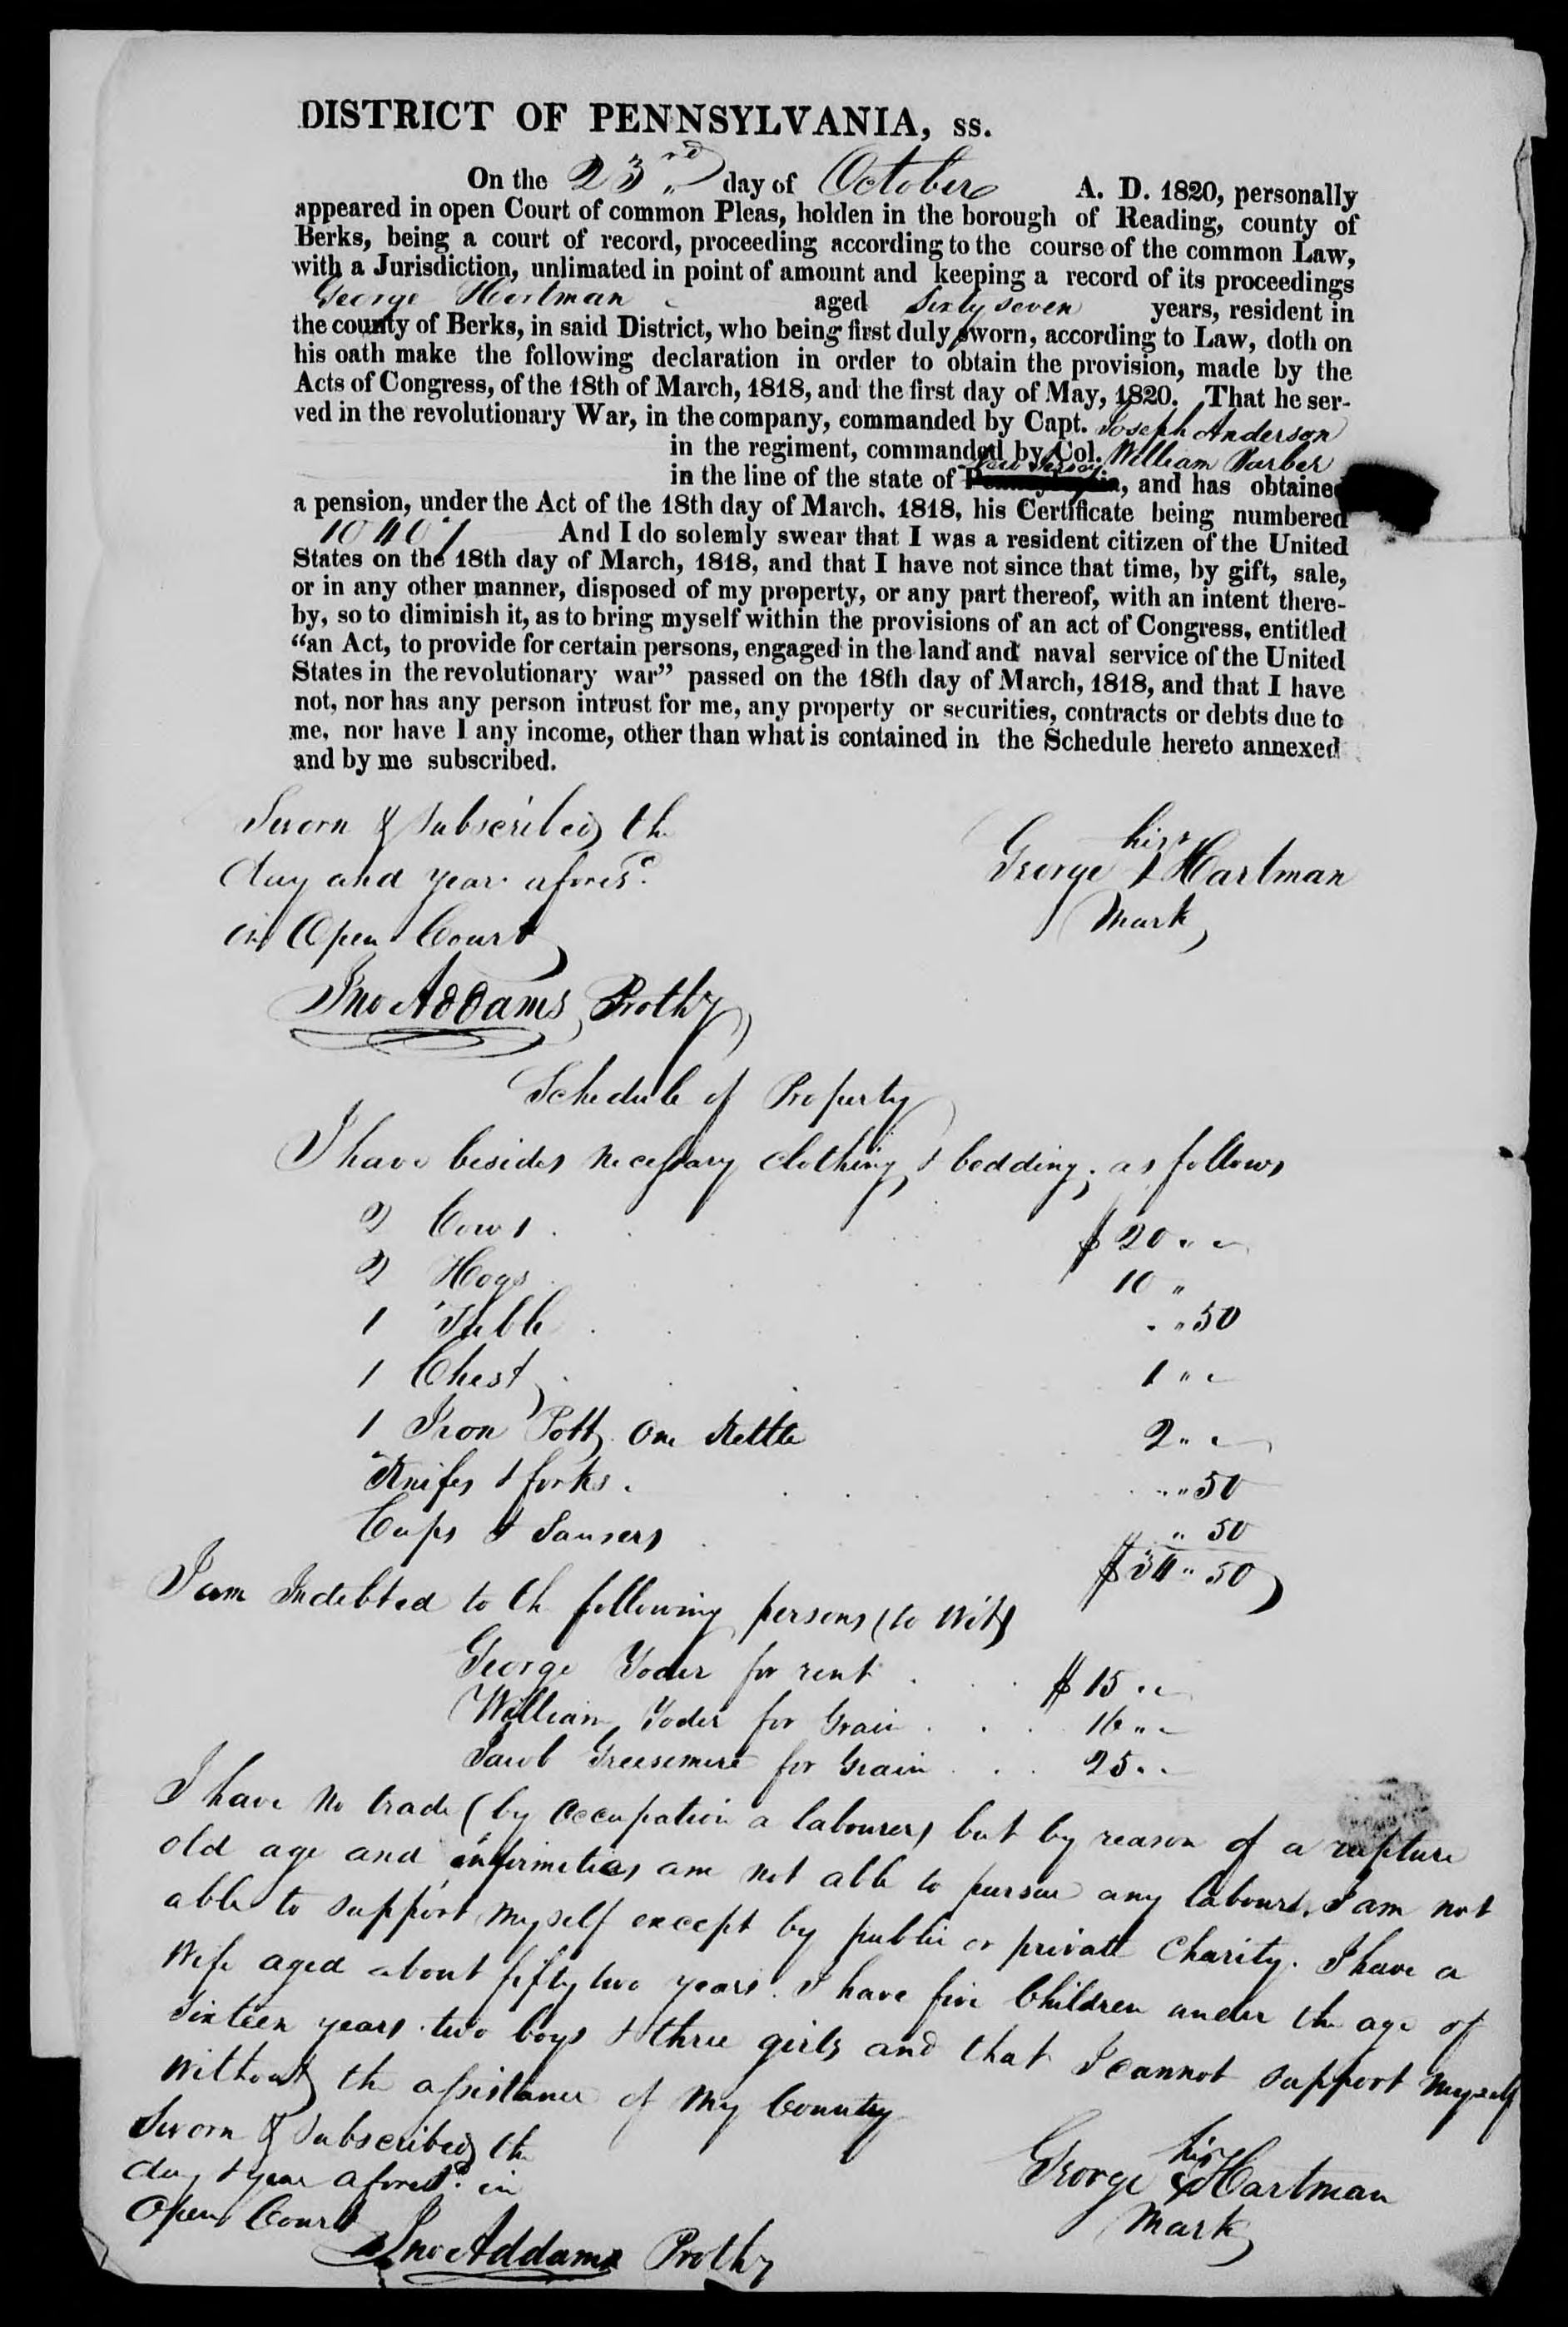DISTRICT OF PENNSYLVANIA, ss.
On the 23rd day of October A.D. 1820, personally
appeared in open Court of common Pleas, holden in the borough of Reading, county of
Berks, being a court of record, proceeding according to the course of the common Law,
with a Jurisdiction, unlimated in point of amount and keeping a record of its proceedings
George Hartman aged Sixty seven years, resident in
the county of Berks, in said District, who being first duly sworn, according to Law, doth on
his oath make the following declaration in order to obtain the provision, made by the
Acts of Congress, of the 18th of March, 1818, and the first day of May, 1820.  That he served
in the Revolutionary War, in the company, commanded by Capt. Joseph Anderson
in the regiment, commanded by Col. William Barber
in the line of the state of New Jersey, and has obtained
a pension, under the Act of the 18th of March, 1818, his Certificate being numbered
10407 And I do solemly swear that I was a resident citizen of the United
States on the 18th day of March, 1818, and that I have not since that time, by gift, sale,
or in any other manner, disposed of my property, or any part thereof, with an intent thereby,
so to diminish it, as to bring myself within the provisions of an act of Congress, entitled
"an Act, to provide for certain persons, engaged in the land and naval service of the United
States in the revolutionary war" passed on the 18th day of March, 1818, and that I have
not, nor has any person intrust for me, any property or securities, contracts or debts due to
me, nor have I any income, other than what is contained in the Schedule hereto annexed
and by me subscribed.
Sworn & Subscribed the | his
day and year afores'd. | George x Hartman
in Open Court | mark,
Jno Addams Prothy
Schedule of Property
I have besides necessary clothing & bedding as follows
2 Cows | $20 " ~
2 Hogs | 10 "
1 Table | ." 50
1 Chest | 1 " ~
1 Iron Pott, One kettle | 2 " ~
Knifes & forks | . " 50
Cups & Saucers | . " 50
 | $34 " 50
I am Indebted to the following persons (to wit)
George Yoder for rent | $18. ~
William Yoder for Grain | 16 " ~
Jacob Greesemire for Grain | 25 " ~
I have no trade (by Occupation a labourer, but by reason of a [illegible]
old age and infirmities, am not able to pursue any labours I am not
able to support myself except by public or private Charity.  I have a
Wife aged about fifty five years.  I have five Children under the age of
Sixteen years two boys & three girls and that I cannot support myself
without the assistance of my Country
Sworn & Subscribed the | his
day & year aforesaid in | George X Hartman
Open Court | mark
Jno Addams Prothy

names: Jno Addams, Jacob Greesemire, William Yoder, George Hartman, George Hartman, George Yoder, Jno Addams, William Barber, Joseph Anderson, George Hartman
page: 8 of 29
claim: widow's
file: W. 2,789, George Hartman, New Jersey